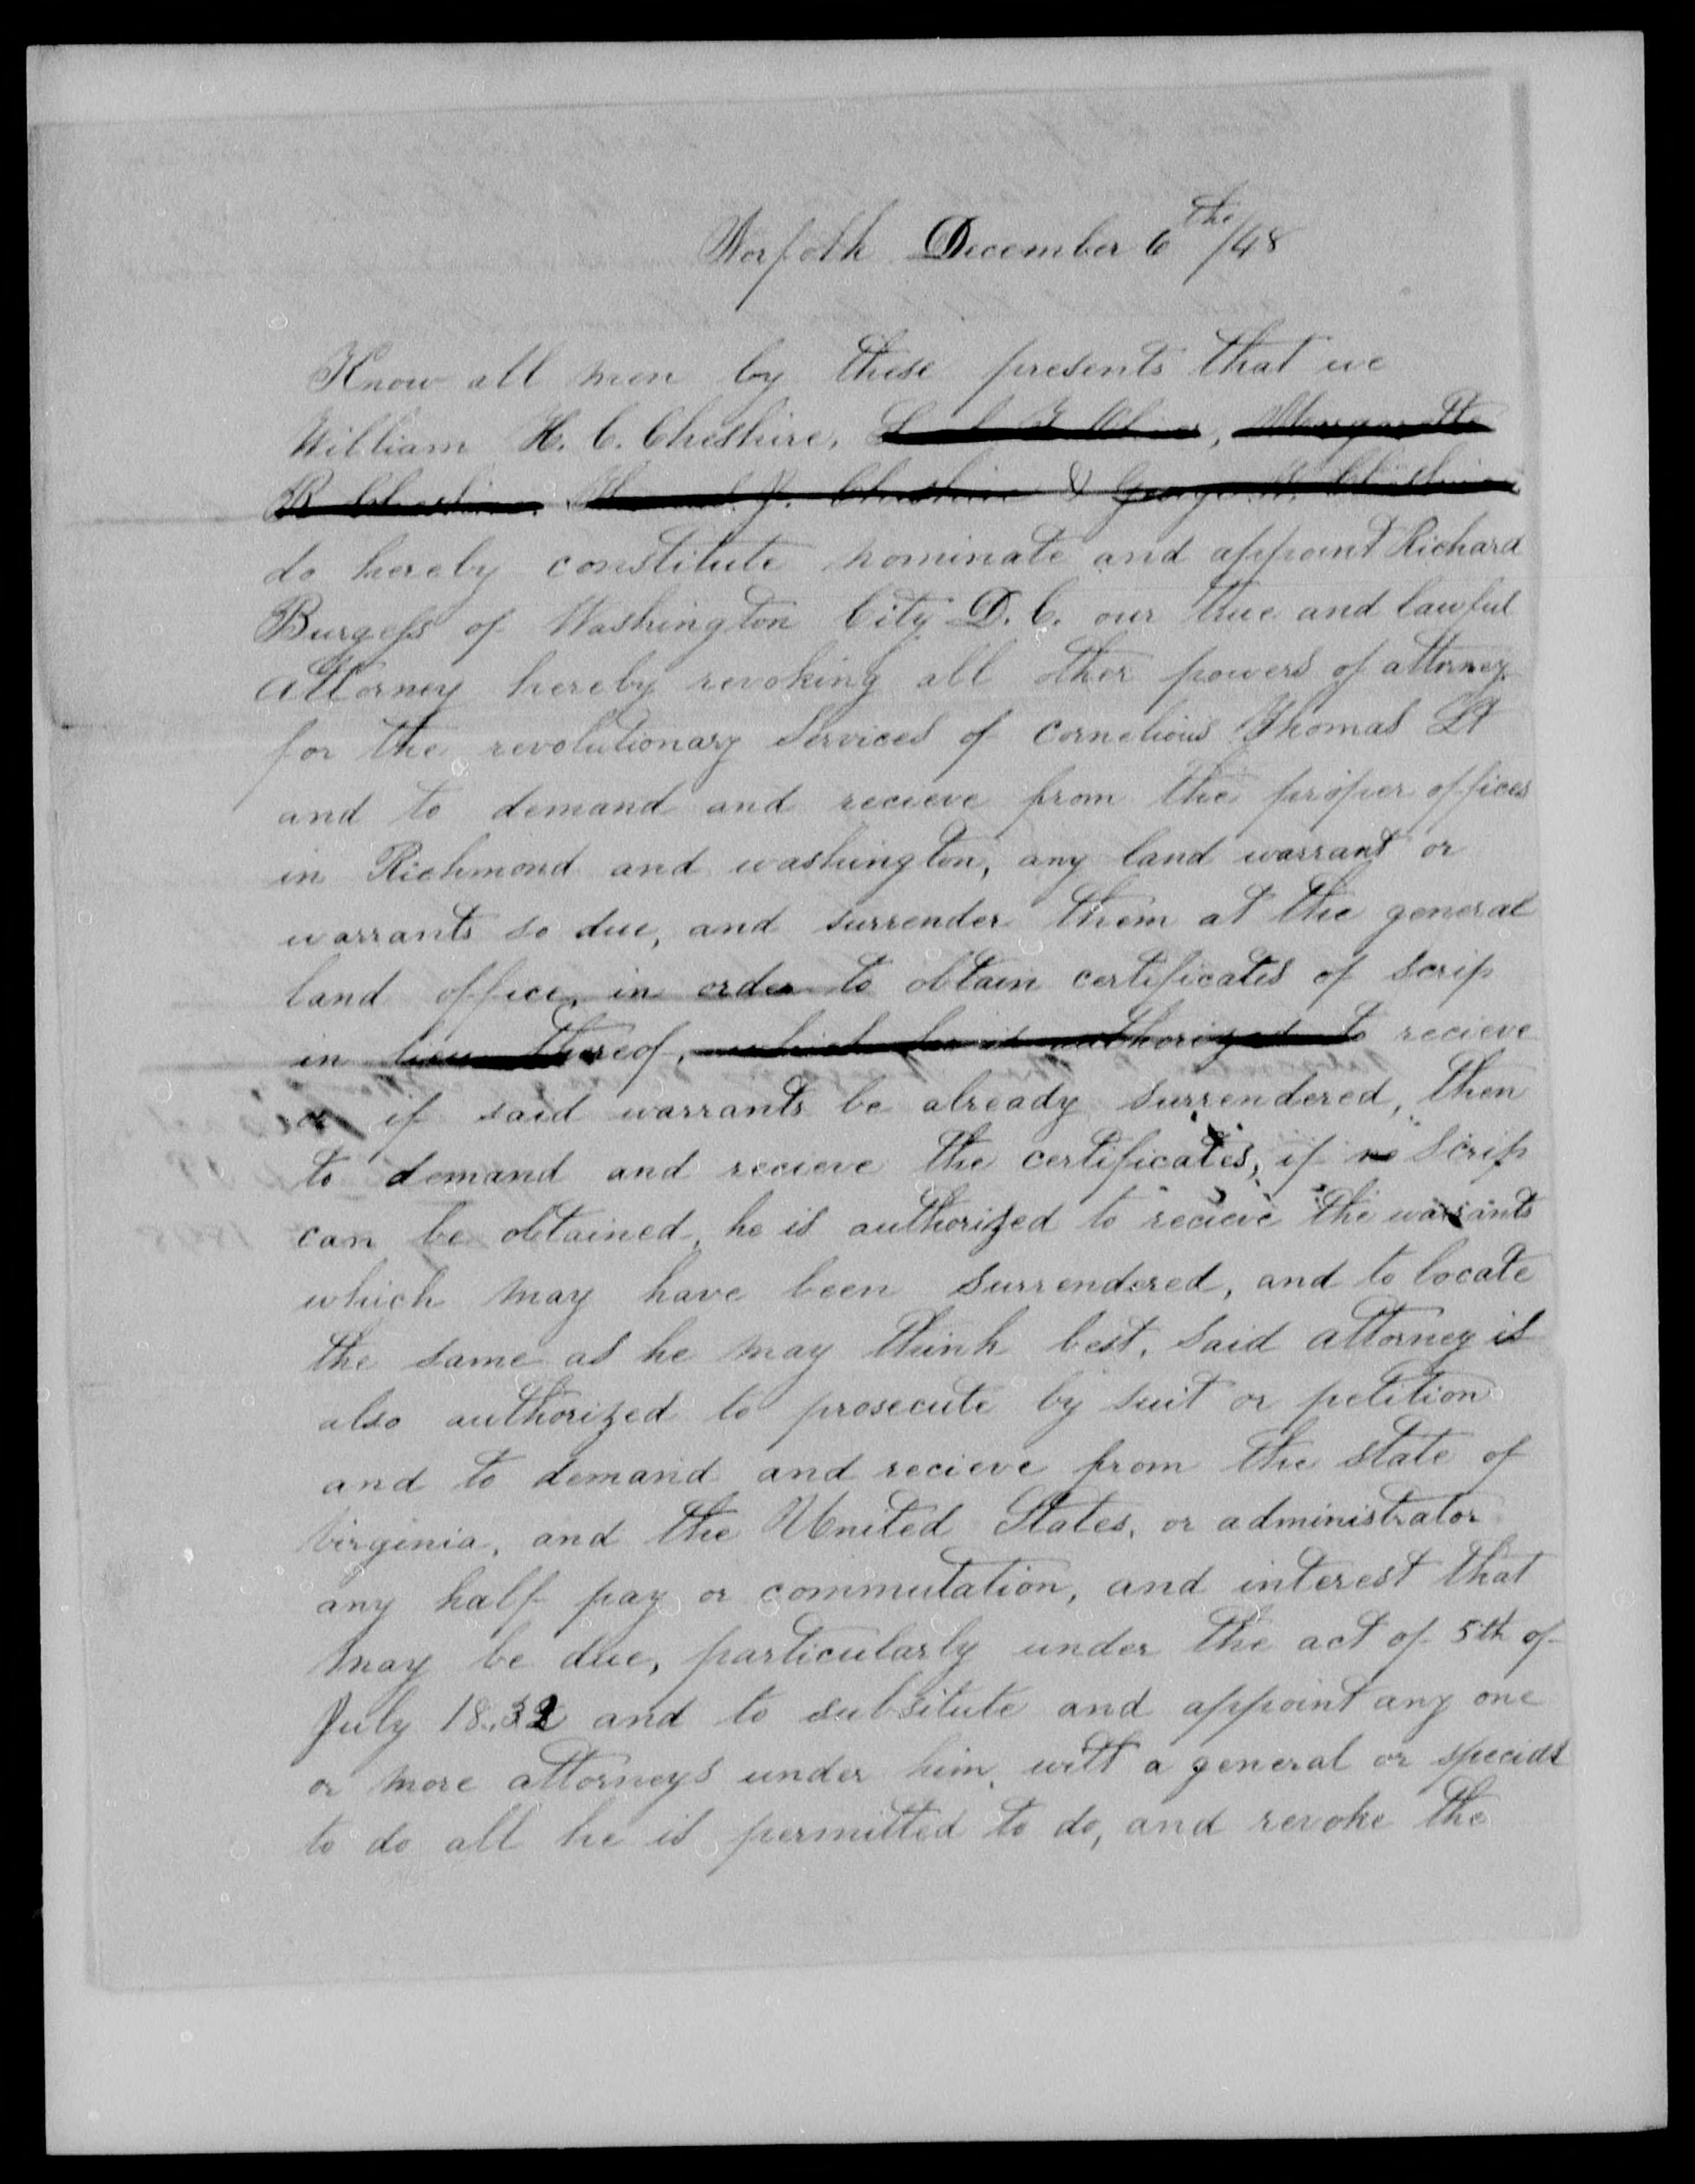Norfolk December 6th/48
Know all men by these presents that we William H.C. Cheshire, [crossed out written text] do hereby constitute nominate and appoint Richard Burgess of Washington City D.C. our true and lawful Attorney hereby revoking all other powers of attorney for the revolutionary Services of Cornelius Thomas [illegible] and to demand and receive from the proper offices in Richmond and washington, any land warrant or warrants so due, and surrender them at the general land office, in order to obtain certificates of scrip in [crossed out handwritten text] of [illegible] [crossed out handwritten text] or recieve if said warrants be already Surrendered, then to demand and recieve the certificates, if no Scrip can be obtained, he is authorized to recieve the warrants which may have been Surrendered, and to locate the same as he may think best, Said Attorney is also authorized to prosecute by suit or petition and to demand and recieve from the State of Virginia, and the United States, or administrator any half pay or commutation, and interest that may be due, particularly under the act of 5th of July 1832, and to Substitute and appoint any one or more attorneys under him with a general or special to do all he is permitted to do, and revoke the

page: 3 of 6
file: R, for Cornelius Thomas, Virginia